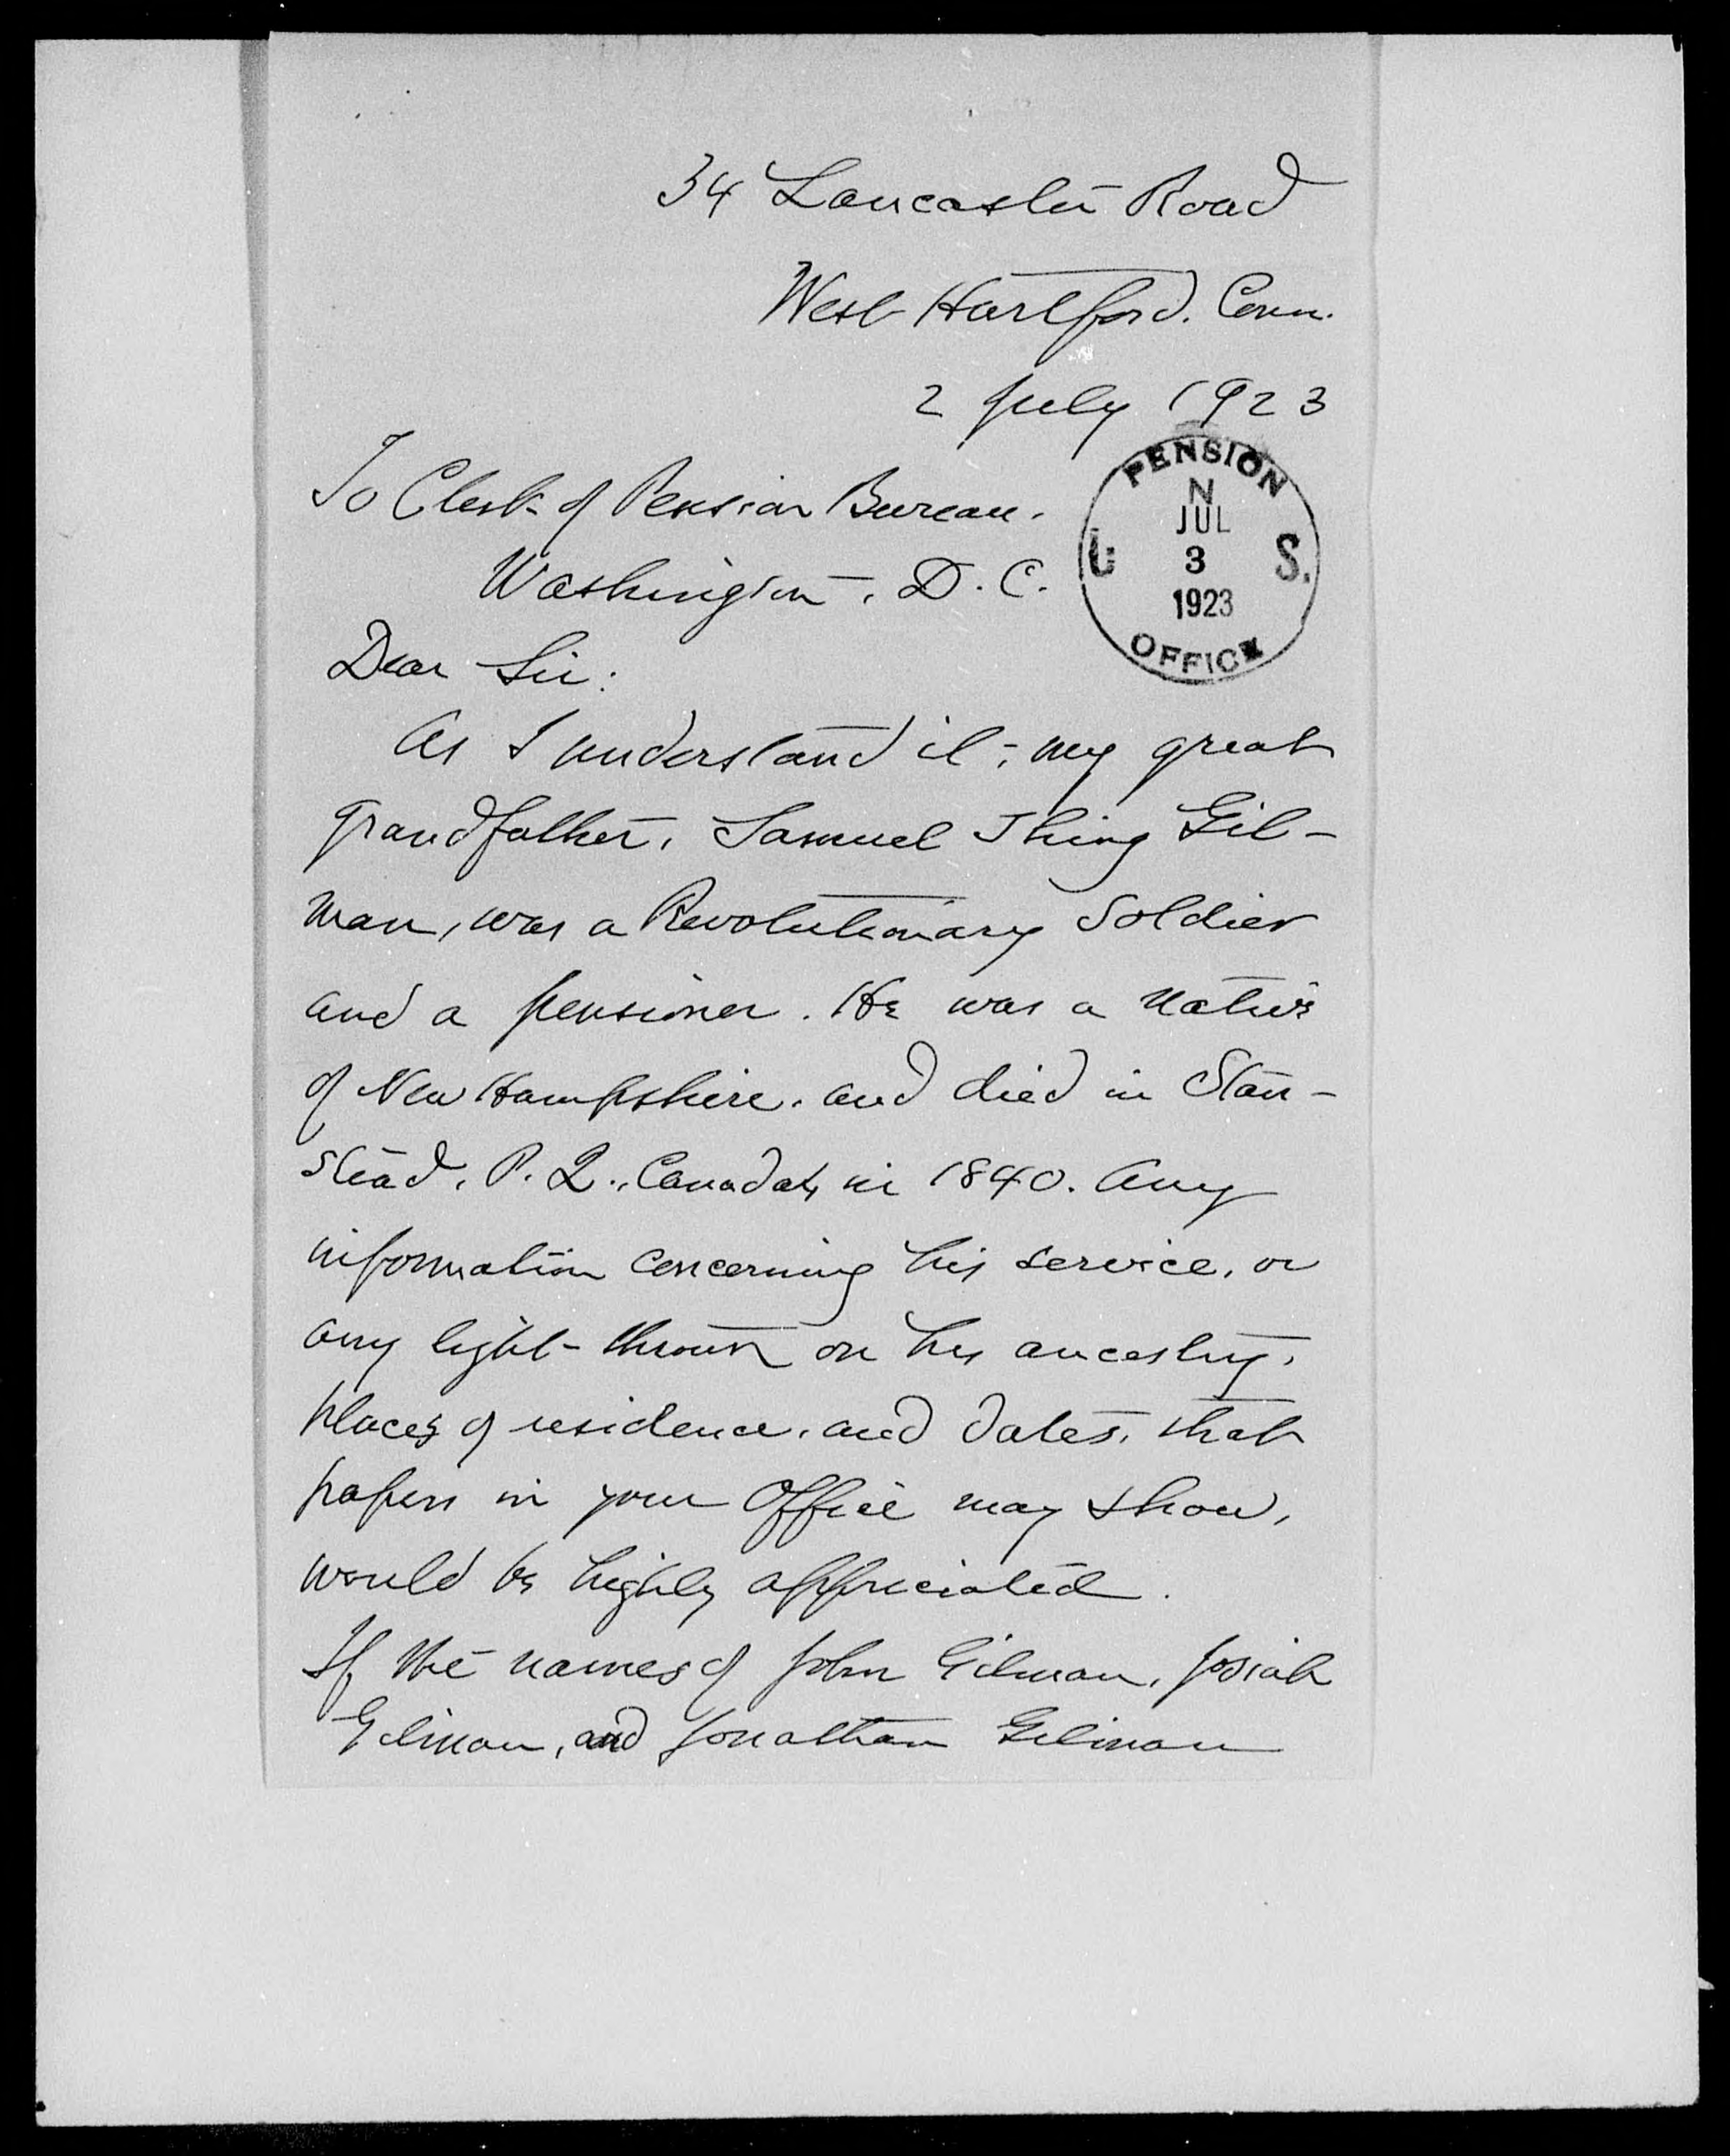34 Lancaster Road
West Hartford, Conn
2 July 1923

To Clerk of Pension Bureau
Washington- D.C.

Dear Sir:
As I understand it, my great grandfather,Samuel Thing Gilman, was a Revolutionary Soldier and a pensioner. He was a native of New Hampshire and died in Stanstead, P.L. Canada in 1840. Any information concerning his service, or any light thrown on his ancestry, places of residence, and dates, that papers in your Office may show, would be highly appreciated.
If the names of John Gilman, Josiah Gilman, and Jonathan Gilman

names: Samuel Thing Gilman, Josiah Gilman, John Gilman, Jonathan Gilman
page: 59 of 61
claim: widow's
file: W. 19500, Samuel Thing Gilman, Continental N.H.